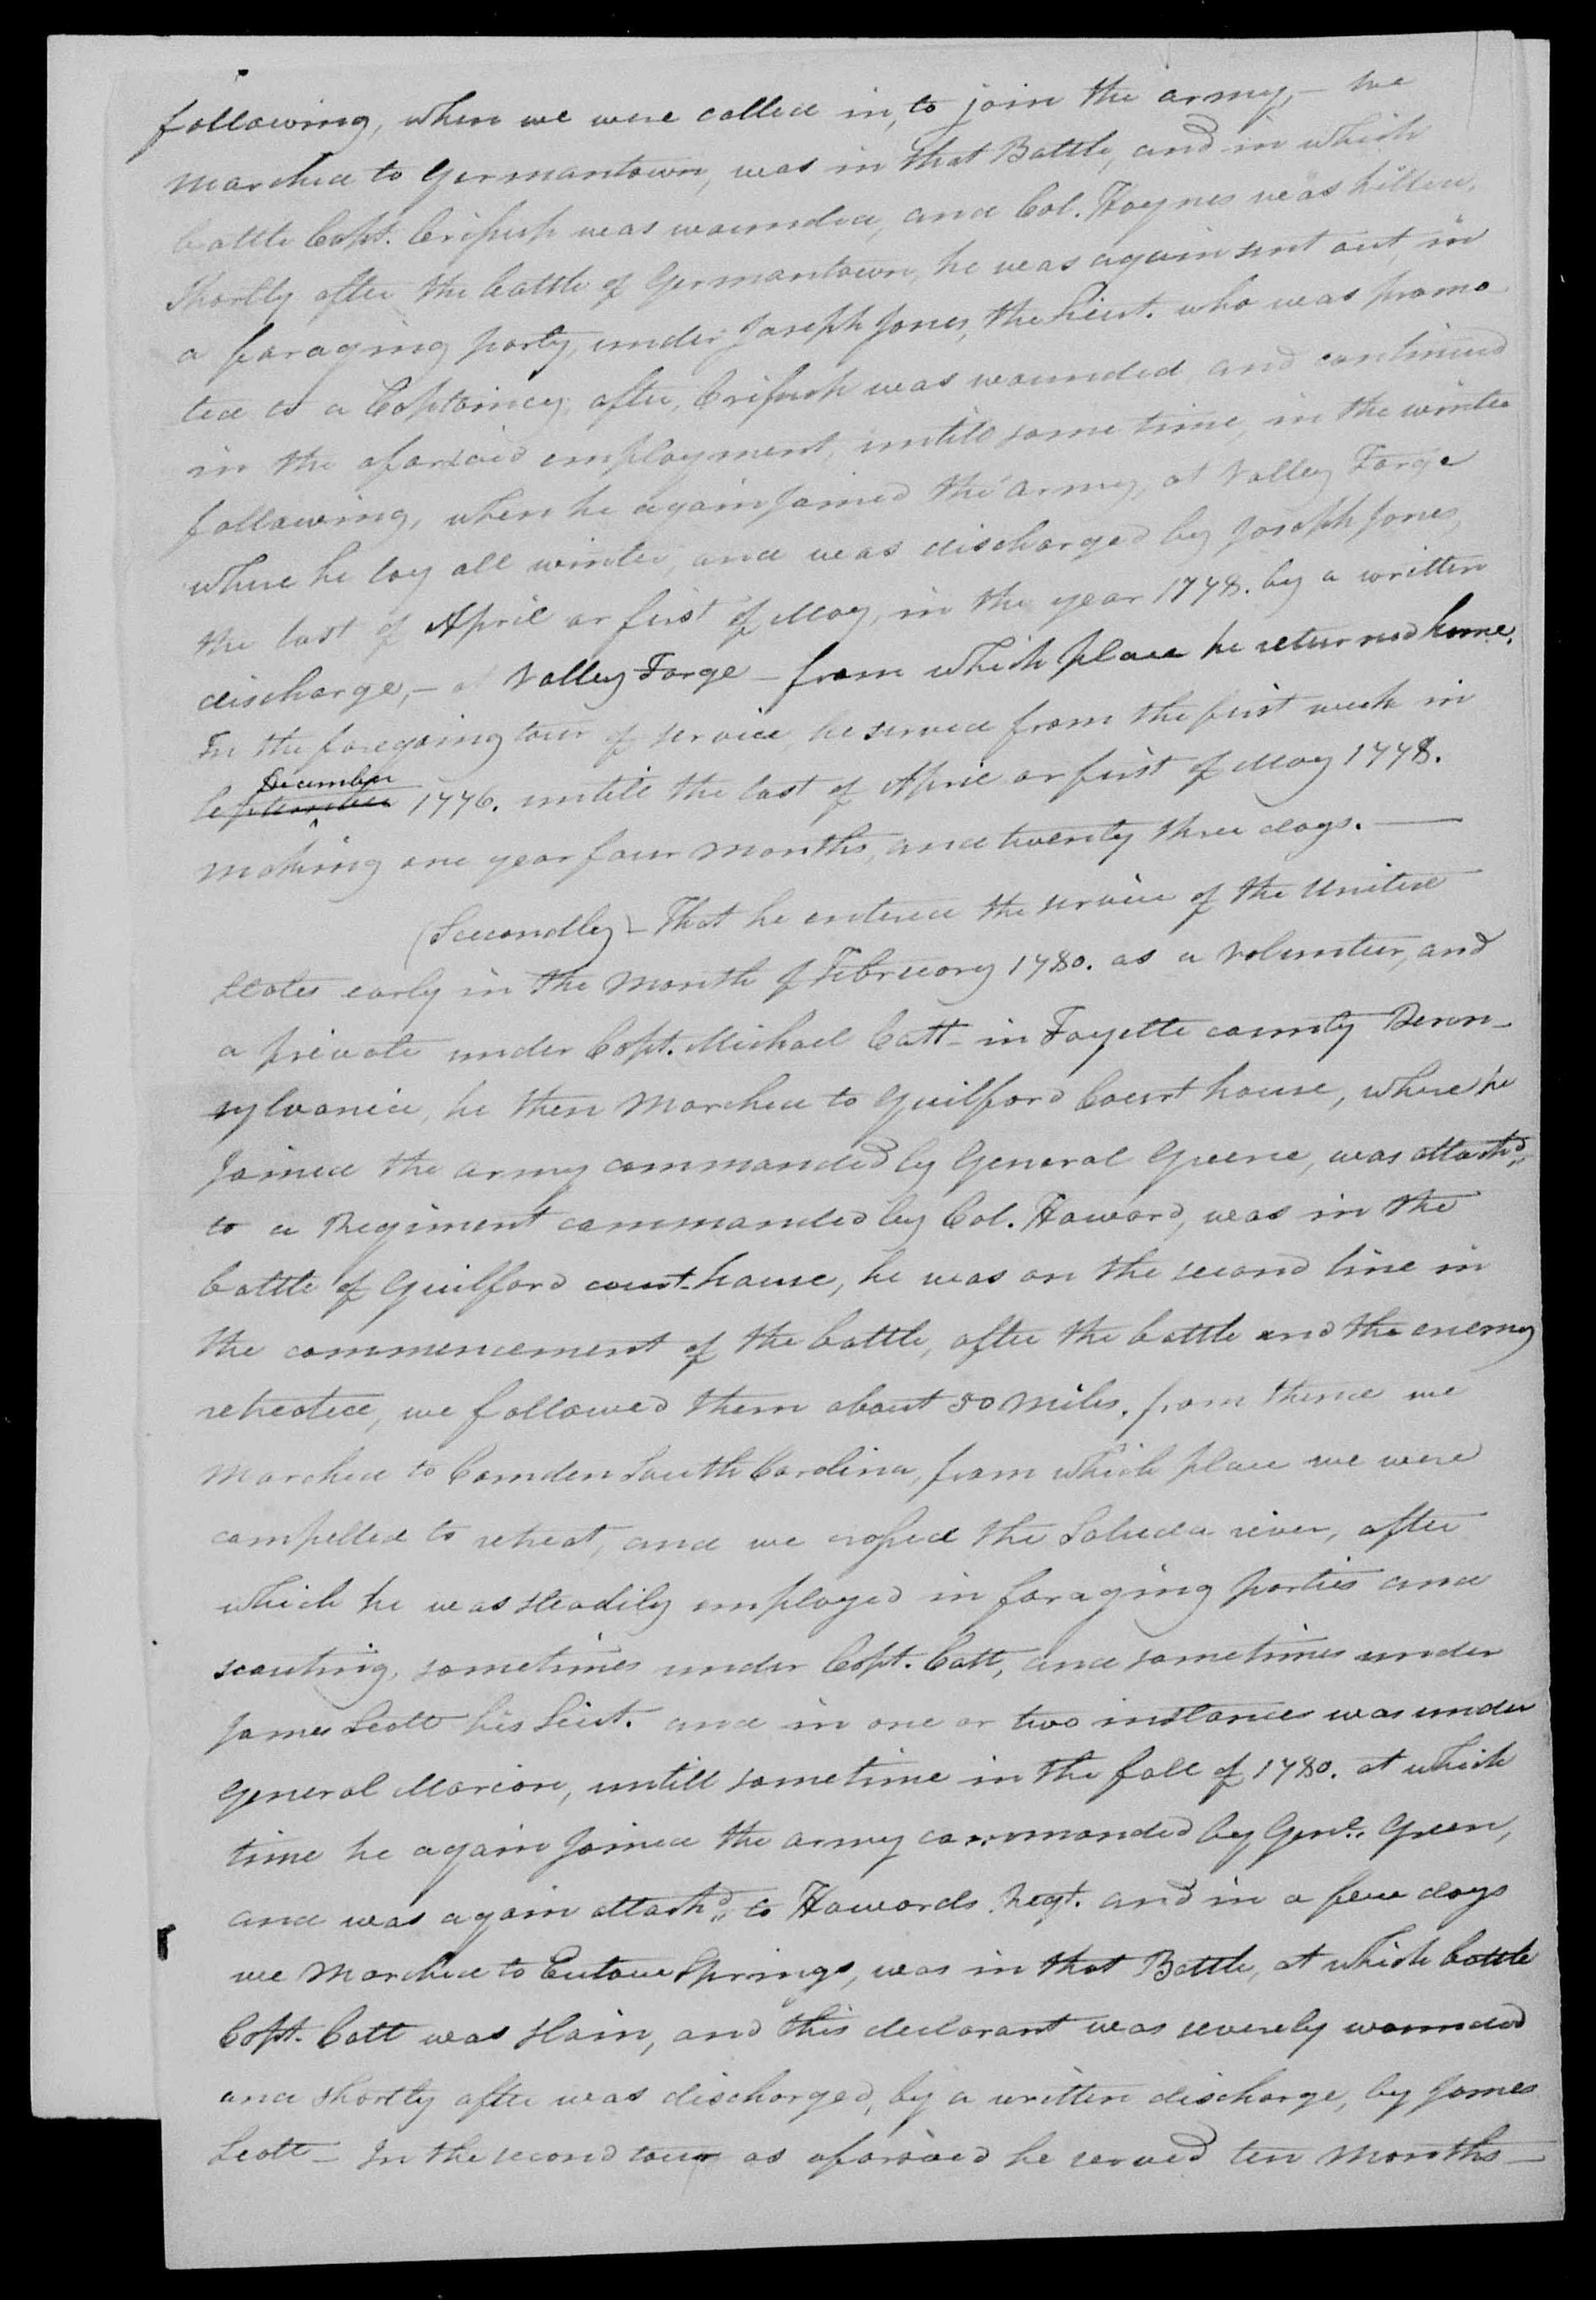following whear we were called in, to join the army, we marched to Germantown, was in the Battle, and in which battle Capt. Crissup was wounded and Col. Haynes was killed..  Shortly after the battle of Germantown he was again sent out in a foraging party, under Joseph Jones, the Lieut. who was promoted to Captaincy after Crissup was wounded and continued in the aforsaid employment until some time, in the winter following, where he again joined the army at Valley Forge where he lay all winter and was discharged by Joseph Jones the last of April or first of May in the year 1778.  by a written discharge, at Valley Forge, from which place he returned home.  In the foregoing tour of service he served from the first week of December 1776 untill the last of April or the first of May 1778.  Making one year four months, and twenty three days.
Secondly that he entered the service of the United States early in the month of February 1780. as a volunteer, and a private under Capt. Michael Catt in Fayette county Pennsylvania  He then marched to Guilford Court house, where he joined the army commanded by General Greene, was attached to a regiment commanded by Col. Howard, was in the Battle of Guilford courthouse, he was on the second line in the commencement of the battle, after the battle and the enemy retreated, we followed them about 40 miles from thence we marched to Camden South Carolina from which place we were compelled to retreat and we crossed the Labeda river, after which he was steadily employed in foraging parties and scouting, sometimes under Capt. Catt, and sometimes under James Scott his Lieut. and in one or two instances was under General Marion, untill sometime in the fall of 1780.  At that time he again joined the army commanded by Genl. Green, and was again attachd to Howards regt. and in a few days we marched to Entour Springs, was in the Battle at which both Capt. Catt was slain, and this declarant was severely wounded and shortly after was discharged, by a written discharge, by James Scott.  In the second tour as aforsaid he served ten months.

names: Crissup, Joseph Jones, Green, Catt, Michael Catt, Joseph Jones, James Scott, Catt, Howard, Haynes, Greene, James Scott, Marion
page: 8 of 18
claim: survivor's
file: S. 31744, Abraham Hiley, Penn.